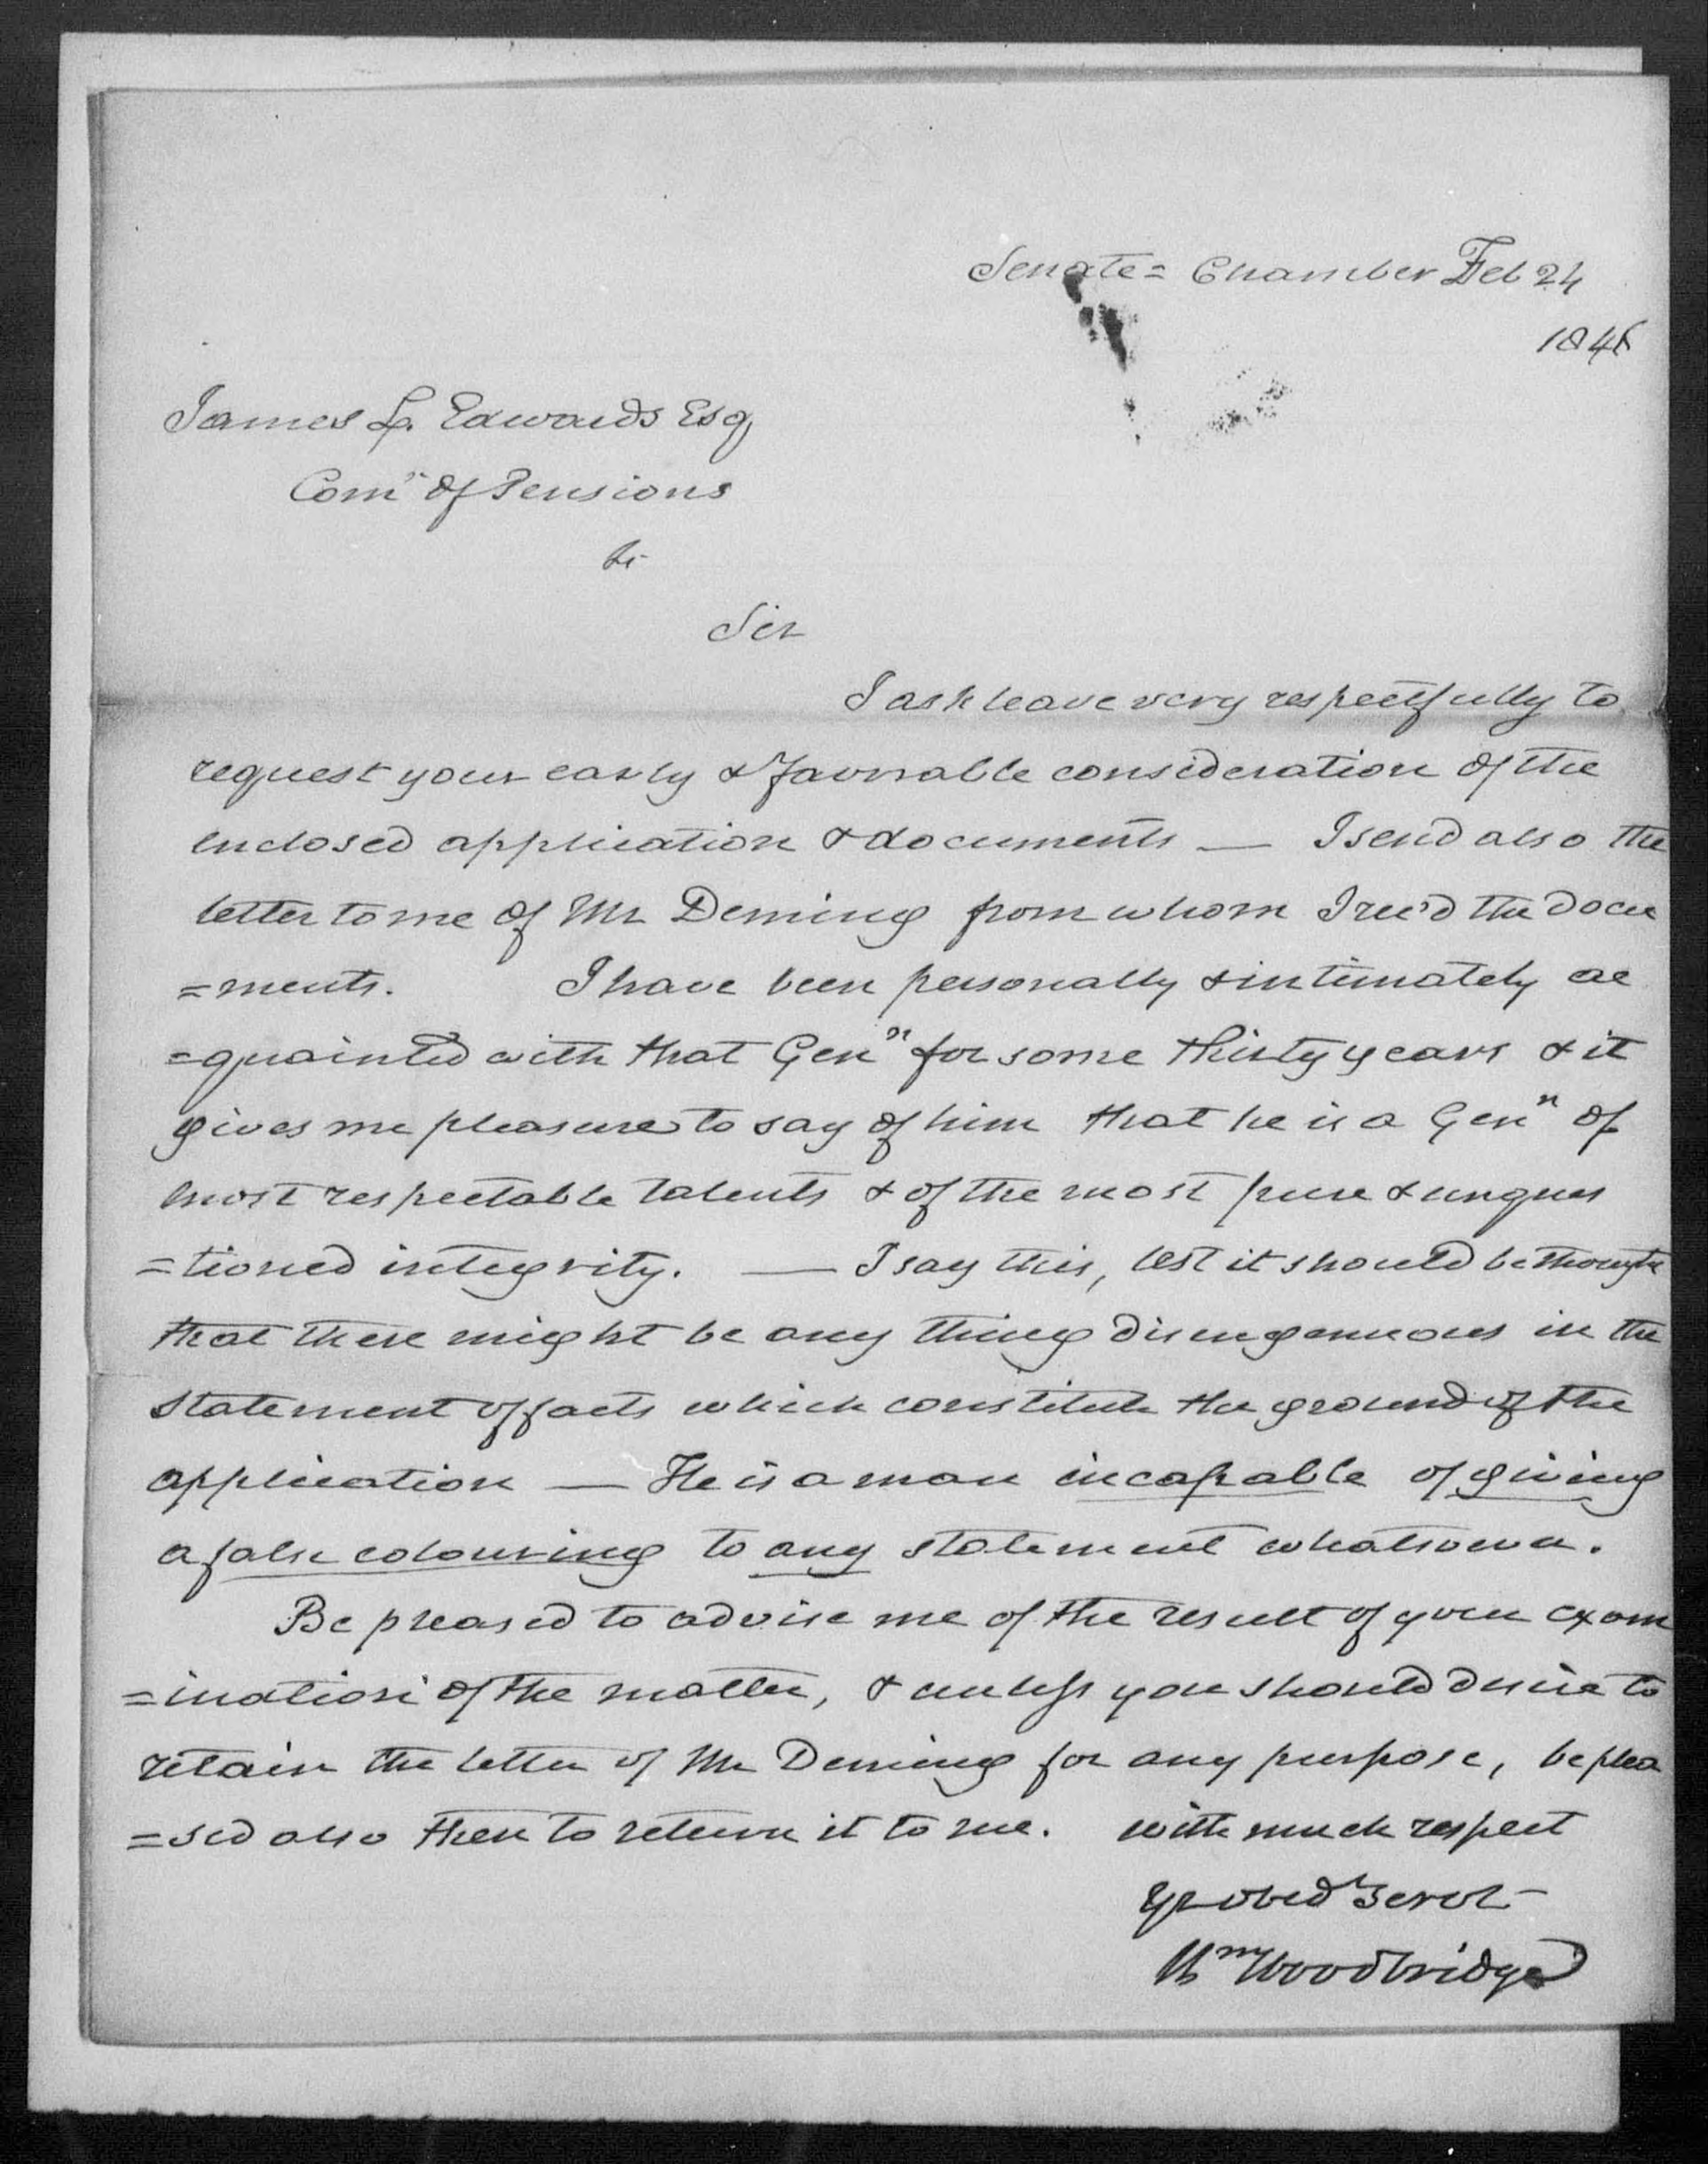[handwritten letter]

Senate Chamber Feb 24 1846

James L. Edwards Esq
Com'r [Commissioner] of Pensions
Sir
I ask leave very respectfully to request your early & favorable consideration of the enclosed application & documents - I send also the letter to me of Mr. Deming from whom I received the documents. I have been personally & intimately acquainted with that Gen'n [Gentleman] for some thirty years & it gives me pleasure to say of him that he is a Gen'n of most respectable talents & of the most pure & unquestioned integrity. - I say this, lest it should be thought that there might be any thing disingenuous in the statement of facts which constituted the ground of the application _ He is a man [underlined]incapable of [underlined]giving a [underlined] false colouring to [underlined]any statement whatsoever.

Be pleased to advise me of the result of your examination of the matter, & unless you should desire to retain the letter of Mr. Deming for any purpose, be pleased also then to return it to me.

With much respect
Yr obed servt -
Wm Woodbridge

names: Deming, Wm Woodbridge, Deming, James L Edwards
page: 8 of 8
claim: rejected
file: R. 1535, Jacob Bushman, Md